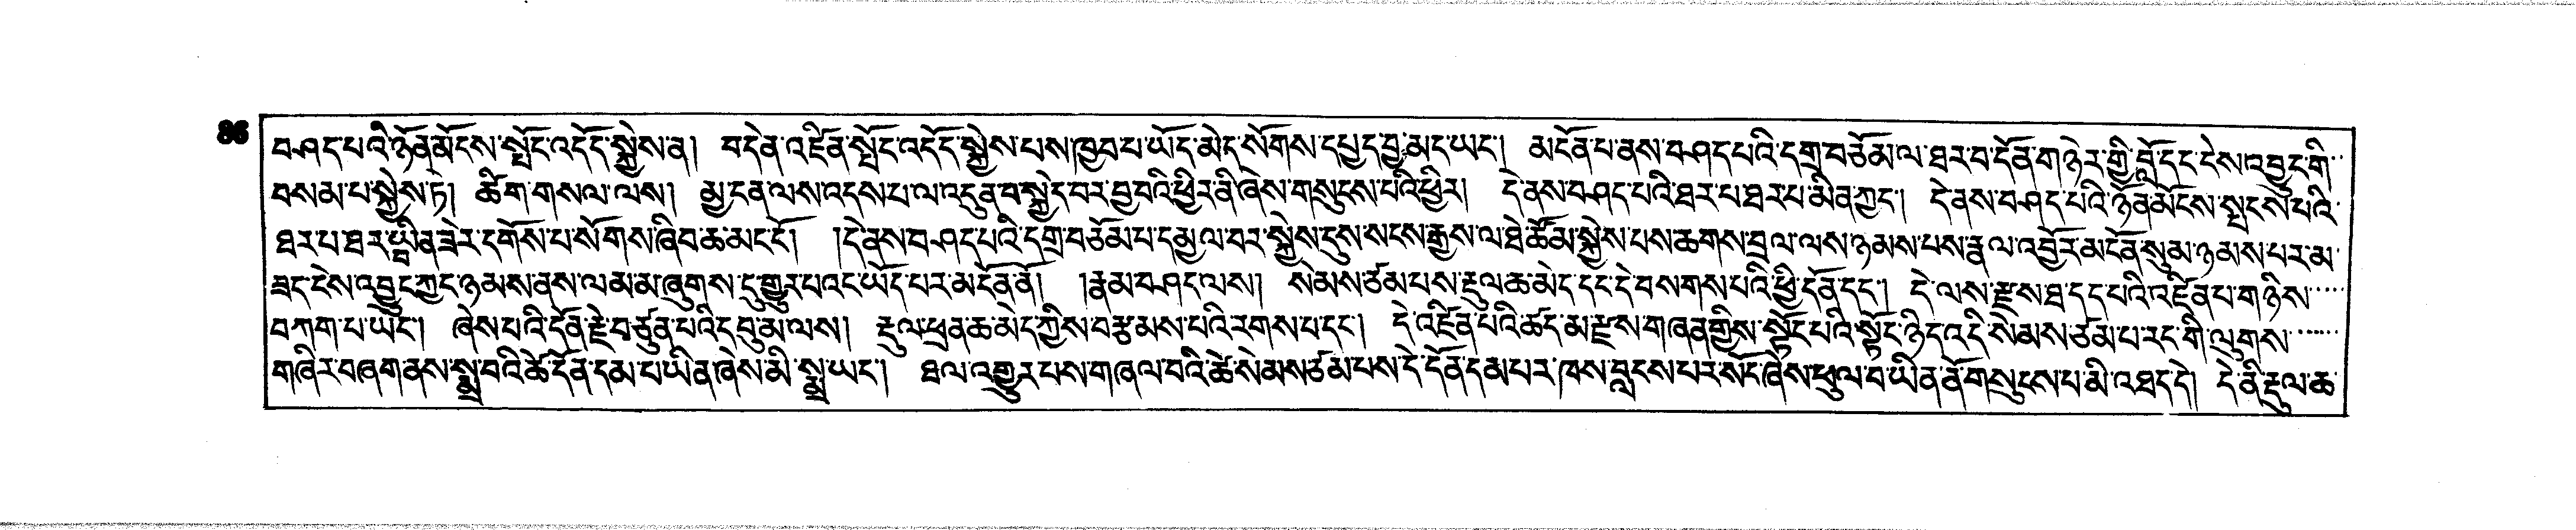བཤད་པའི་ཉོན་མོངས་སྤོང་འདོད་སྐྱེས་ན། བདེན་འཛིན་སྤོང་འདོད་སྐྱེས་པས་ཁྱབ་པ་ཡོད་མེད་སོགས་དཔྱད་བྱ་མང་ཡང་། མངོན་པ་ནས་བཤད་པའི་དགྲ་བཅོམ་ལ་ཐར་བ་དོན་གཉེར་གྱི་བློ་དང་ངེས་འབྱུང་གི་
བསམ་པ་སྐྱེས་ཏེ། ཚིག་གསལ་ལས། མྱ་ངན་ལས་འདས་པ་ལ་འདུན་བ་སྐྱེད་བར་བྱ་བའི་ཕྱིར་ནི་ཞེས་གསུངས་པའི་ཕྱིར། དེ་ནས་བཤད་པའི་ཐར་པ་ཐར་པ་མིན་ཀྱང་། དེ་ནས་བཤད་པའི་ཉོན་མོངས་སྤངས་པའི་
ཐར་པ་ཐར་བ་ཡིན་ཟེར་དགོས་པ་སོགས་ཞིབ་ཆ་མང་ངོ། །དེ་ནས་བཤད་པའི་དགྲ་བཅོམ་པ་དམྱལ་བར་སྐྱེས་དུས་སངས་རྒྱས་ལ་ཐེ་ཚོམ་སྐྱེས་པས་ཆགས་བྲལ་ལས་ཉམས་པས་རྣལ་འབྱོར་མངོན་སུམ་ཉམས་པར་མ་
ཟད་ངེས་འབྱུང་ཀྱང་ཉམས་ནས་ལམ་མ་ཞུགས་དུ་གྱུར་པའང་ཡོད་པར་མངོན་ནོ། །རྣམ་བཤད་ལས། སེམས་ཙམ་པས་རྡུལ་ཆ་མེད་དང་དེ་བསགས་པའི་ཕྱི་དོན་དང་། དེ་ལས་རྫས་ཐ་དད་པའི་འཛིན་པ་གཉིས་
བཀག་པ་ཡང་། ཞེས་པའི་དོན་རྗེ་བཙུན་པའི་དབུ་མ་ལས། རྡུལ་ཕྲན་ཆ་མེད་ཀྱིས་བརྩམས་པའི་རགས་པ་དང་། དེ་འཛིན་པའི་ཚད་མ་རྫས་གཞན་གྱིས་སྟོང་པའི་སྟོང་ཉིད་འདི་སེམས་ཙམ་པ་རང་གི་ལུགས་
གཞིར་བཞག་ནས་སྨྲ་བའི་ཚེ་དོན་དམ་པ་ཡིན་ཞེས་མི་སྨྲ་ཡང་། ཐལ་འགྱུར་པས་གཞལ་བའི་ཚེ་སེམས་ཙམ་པས་དེ་དོན་དམ་པར་ཁས་བླངས་པར་སོང་ཞེས་ཕུལ་བ་ཡིན་ནོ་གསུངས་པ་མི་འཐད་དེ། དེ་ནི་རྡུལ་ཆ་